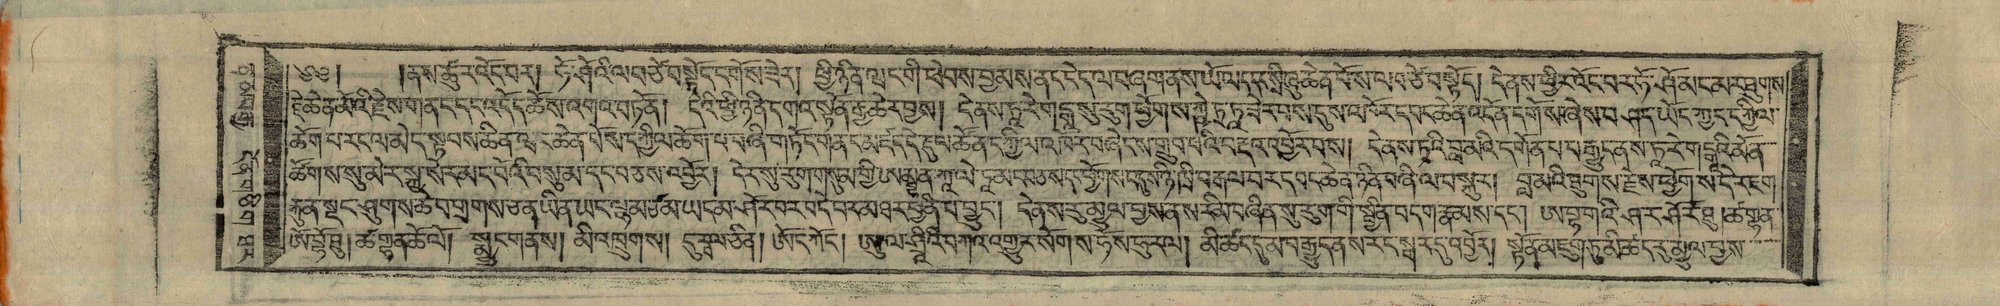༄༅། །ནས་ཚུར་འོང་བར། ཧོ་ཤོའི་ལབ་ཙེ་བསྟོད་དགོས་ཟེར། ཕྱི་ཉིན་ཝང་གི་ཕེབས་བྱམས་ནང་ངེད་ལ་བཞག་ནས་ཡོ་ལང་དང་སྲི་ཞུ་ཆེན་པོས་ལབ་ཙེ་བསྟོད། དེ་ནས་ཕྱིར་འོང་བར་ཧོ་ཤོ་མང་མར་ཐུགས་
རྗེ་ཆེན་མོའི་རྗེས་གནང་དང་འདོད་ཆོས་འགའ་བཏོན། དེའི་ཕྱི་ཉིན་དགའ་སྟོན་རྒྱ་ཆེར་བྱས། དེ་ནས་ཏཱ་རེ་གངྒཱ་སུ་རུག་ཕྱོགས་ཀྵེ་ཏྲ་ཏཱ་ཟེར་བས་དུས་འཁོར་དབང་ཆེན་འདོན་དགོས་ཞེས་བཤད་ཡོང་ཀྱང་དཀྱིལ་
ཆོག་པ་རང་ལ་མེད་སྟབས་ཆིན་ཝང་ཆེན་པོས་དཀྱིལ་ཆོག་པ་བཞི་གཏོང་གནང་མཛད་དེ་རྡུལ་ཚོན་དཀྱིལ་འཁོར་བཞེངས་གྲུབ་བའི་བརྡའ་འབྱོར་བས། དེ་ནས་ཏའི་བླ་མའི་དགོན་པ་བརྒྱུད་ནས་ཏཱ་རེ་གངྒཱའི་མོན་
ཚོགས་སུ་མེར་སྐྱ་སེར་མང་པོའི་བསུ་མ་དང་བཅས་འབྱོར། དེར་སུ་རུག་གསུམ་གྱི་ཨམྦྷན་ཀཱ་ལེ་ཏཱ་མང་བཅས་དང་ཕྱོགས་འདུས་ཉི་ཁྲི་བརྒལ་བར་དབང་ཆེན་ཉིན་བཞི་ལ་བསྐུར། བླ་མའི་ཐུགས་རྗེས་ཕྱོགས་དེར་ཇག་
རྐུན་སྡང་ཤུགས་ཆེ་བགྲགས་ཅན་ཡིན་ཡང་ལྷམ་ཙམ་ཡང་མ་ཤོར་བར་བདེ་བར་མཐར་ཕྱིན་པ་བྱུང་། དེ་ནས་རུ་མྱུལ་བྱས་ནས་རིམ་བཞིན་སུ་རུག་གི་སྦྱིན་བདག་རྣམས་དང་། ཨ་བྷ་གའི་ཤ་ར་ཤོ་རོ་ཐུ། ཚ་གྷན་
ཨོ་བྷོ་ཐུ། ཚ་གྷན་ཆོ་ལོ། སྨྱུང་གནས། མི་འཁྲུགས། དུ་རྦལ་ཅིན། ཨོང་ཀོང་། ཨུ་ལ་ཤྲཱིའི་བཀའ་འགྱུར་སོགས་ཧོས་ཧུ་རལ། མི་ཚང་དུ་མ་བརྒྱུད་ནས་རང་སྒར་དུ་འབྱོར། སྟོན་མཇུག་ཏུ་མི་ཚང་རུ་མྱུལ་བྱས་